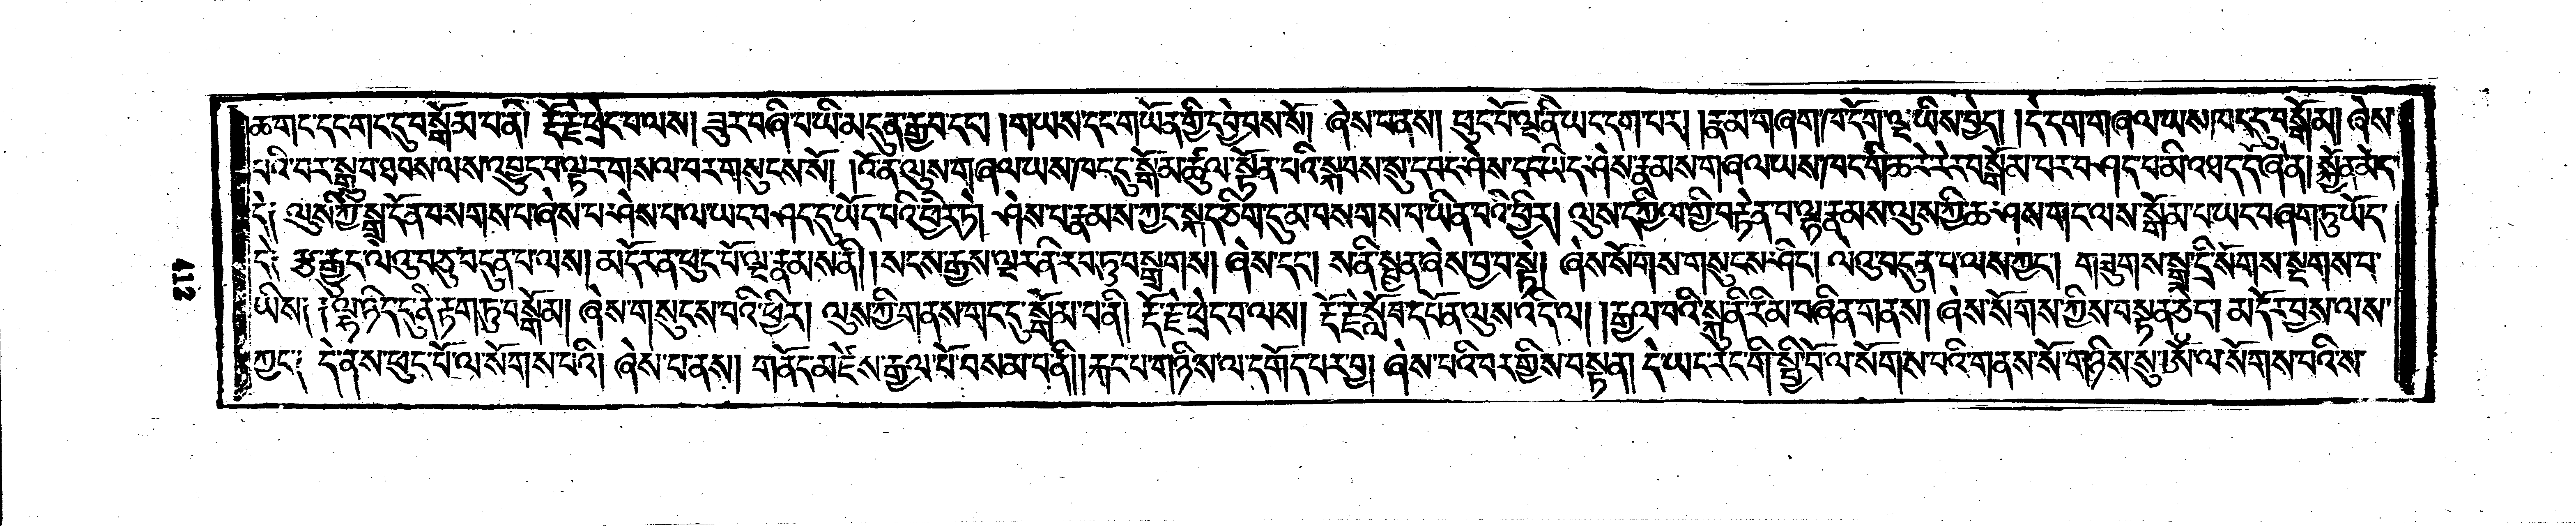ཆ་གང་དང་གང་དུ་བསྒོམ་པ་ནི། རྡོ་རྗེ་ཕྲེང་བ་ལས། ཟུར་བཞི་པ་ཡི་མདུན་རྒྱབ་དང་། །གཡས་དང་གཡོན་གྱི་དབྱེ་བས་སོ། ཞེས་པ་ནས། ཕུང་པོ་ལྔ་ནི་ཡང་དག་པར། །རྣམ་གཞག་ཁ་དོག་ལྔ་ཡིས་བྱེད། །དེ་དག་གཞལ་ཡས་ཁང་དུ་བསྒོམ། ཞེས་
པའི་བར་སྒྲུབ་ཐབས་ལས་འབྱུང་བ་ལྟར་གསལ་བར་གསུངས་སོ། །འོ་ན་ལུས་གཞལ་ཡས་ཁང་དུ་སྒོམ་ཚུལ་སྟོན་པའི་སྐབས་སུ་དབང་ཤེས་དང་ཡིད་ཤེས་རྣམས་གཞལ་ཡས་ཁང་གི་ཆ་རེ་རེ་རབ་སྒོམ་པར་བཤད་པ་མི་འཐད་ད་ཞེ་ན། སྐྱོན་མེད་
དེ༑ ལུས་ཀྱི་སྒྲ་དོན་བསགས་པ་ཞེས་པ་ཤེས་པ་ལ་ཡང་བཤད་དུ་ཡོད་པའི་ཕྱིར་ཏེ། ཤེས་པ་རྣམས་ཀྱང་སྐད་ཅིག་དུ་མ་བསགས་པ་ཡིན་པའི་ཕྱིར། ལུས་དཀྱིལ་གྱི་བརྟེན་པ་ལྷ་རྣམས་ལུས་ཀྱི་ཆ་ཤས་གང་ལས་སྒོམ་པ་ཡང་བཞག་ཏུ་ཡོད་
དེ༑ རྩ་རྒྱུད་ལེའུ་བཅུ་བདུན་པ་ལས། མདོར་ན་ཕུང་པོ་ལྔ་རྣམས་ནི། །སངས་རྒྱས་ལྔར་ནི་རབ་ཏུ་བསྒྲགས། ཞེས་དང་། ས་ནི་སྤྱན་ཞེས་བྱ་བ་སྟེ། ཞེས་སོགས་གསུངས་ཤིང་། ལེའུ་བདུན་པ་ལས་ཀྱང་། གཟུགས་སྒྲ་དྲི་སོགས་སྔགས་པ་
ཡིས། །ལྷ་ཉིད་དུ་ནི་རྟག་ཏུ་བསྒོམ། ཞེས་གསུངས་པའི་ཕྱིར། ལུས་ཀྱི་གནས་གང་དུ་སྒོམ་པ་ནི། རྡོ་རྗེ་ཕྲེང་བ་ལས། རྡོ་རྗེ་སློབ་དཔོན་ལུས་འདི་ལ། །རྒྱལ་བའི་སྐུ་ནི་རིམ་བཞིན་གནས། ཞེས་སོགས་ཀྱིས་བསྟན་ཅིང་། མདོར་བྱས་ལས་
ཀྱང༑ དེ་ནས་ཕུང་པོ་ལ་སོགས་པའི། ཞེས་པ་ནས། གནོད་མཛེས་རྒྱལ་པོ་བསམ་པ་ནི། །རྐང་པ་གཉིས་ལ་དགོད་པར་བྱ། ཞེས་པའི་བར་གྱིས་བསྟན། དེ་ཡང་རང་གི་སྤྱི་བོ་ལ་སོགས་པའི་གནས་སོ་གཉིས་སུ་ཨོཾ་ལ་སོགས་པའི་ས་